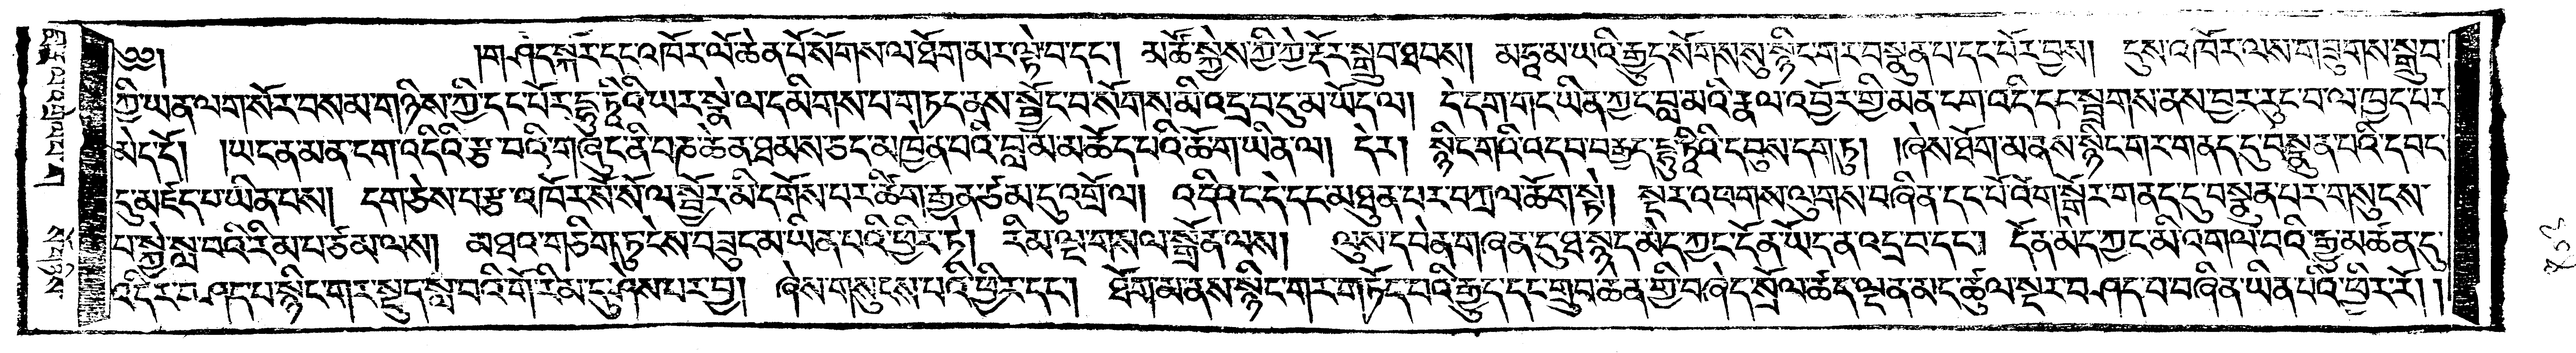༄༅། །གཤེད་སྐོར་དང་འཁོར་ལོ་ཆེན་པོ་སོགས་ལ་ཐོག་མར་ལྟེ་བ་དང་། མཚོ་སྐྱེས་ཀྱི་ཀྱེ་རྡོར་སྒྲུབ་ཐབས། མཧཱ་མ་ཡའི་རྒྱུད་སོགས་སུ་སྙིང་གར་བསྣུན་པ་དང་པོར་བྱས། དུས་འཁོར་ལས་གཟུགས་སྒྲུབ་
ཀྱི་ཡན་ལག་སོར་བསམ་གཉིས་ཀྱི་དང་པོར་དྷཱུ་ཏཱིའི་ཡར་སྣེ་ལ་དམིགས་པ་གཏང་ནས་སྦྱོང་བ་སོགས་མི་འདྲ་བ་དུ་མ་ཡོད་ལ། དེ་དག་གང་ཡིན་ཀྱང་བླ་མའི་རྣལ་འབྱོར་གྱི་མན་དག་འདི་དང་སྒྲགས་ནས་བྱར་རུང་བ་ལ་ཁྱད་བར་
མེད་དོ། །ཡང་ན་མན་ངག་འདིའི་རྩ་བའི་གཞུང་ནི་པཎ་ཆེན་ཐམས་ཅད་མཁྱེན་བའི་བླ་མ་མཆོད་པའི་ཆོ་ག་ཡིན་ལ། དེར། སྙིང་གའི་འདབ་བརྒྱད་དྷཱུ་ཏཱིའི་དབུས་དག་ཏུ། །ཞེས་ཐོག་མ་ནས་སྙིང་གར་གནད་དུ་བསྣུན་པའི་དབང་
དུ་མཛད་པ་ཡིན་བས། དག་ཅེས་པ་རྩ་འཁོར་སོ་སོ་ལ་སྦྱོར་མི་དགོས་པར་ཚིག་རྒྱན་ཙམ་དུ་འགྲོ་ལ། འདིའང་དེ་དང་མཐུན་པར་བཀྲལ་ཆོག་སྟེ། སྔར་འཕགས་ལུགས་བཞིན་དང་པོ་འོག་སྒོར་གནད་དུ་བསྣུན་པར་གསུངས་
པ་སྐྱེ་སླ་བའི་རིམ་པ་ཙམ་ལས། མཐའ་གཅིག་ཏུ་ངེས་བཟུང་མ་ཡིན་པའི་ཕྱིར་ཏེ། རིམ་ལྔ་གསལ་སྒྲོན་ལས། ལུས་དབེན་གཞན་དུ་ཐ་སྙད་མེད་ཀྱང་དོན་ཡོད་ན་འདྲ་བ་དང་། དོན་མེད་ཀྱང་མི་འགལ་བའི་རྒྱུ་མཚན་དུ་
འདིར་བཤད་པ་སྙིང་གར་སྡུད་སླ་བའི་གོ་རིམ་དུ་ཤེས་པར་བྱ། །ཞེས་གསུངས་པའི་ཕྱིར་དང་། ཐོག་མ་ནས་སྙིང་གར་གཏོད་པའི་རྒྱུད་དང་གྲུབ་ཆེན་གྱི་བཞེད་སྲོལ་ཚད་ལྡན་མེད་ཚུལ་?་བཤད་པ་བཞིན་ཡིན་པའི་ཕྱིར་རོ། །